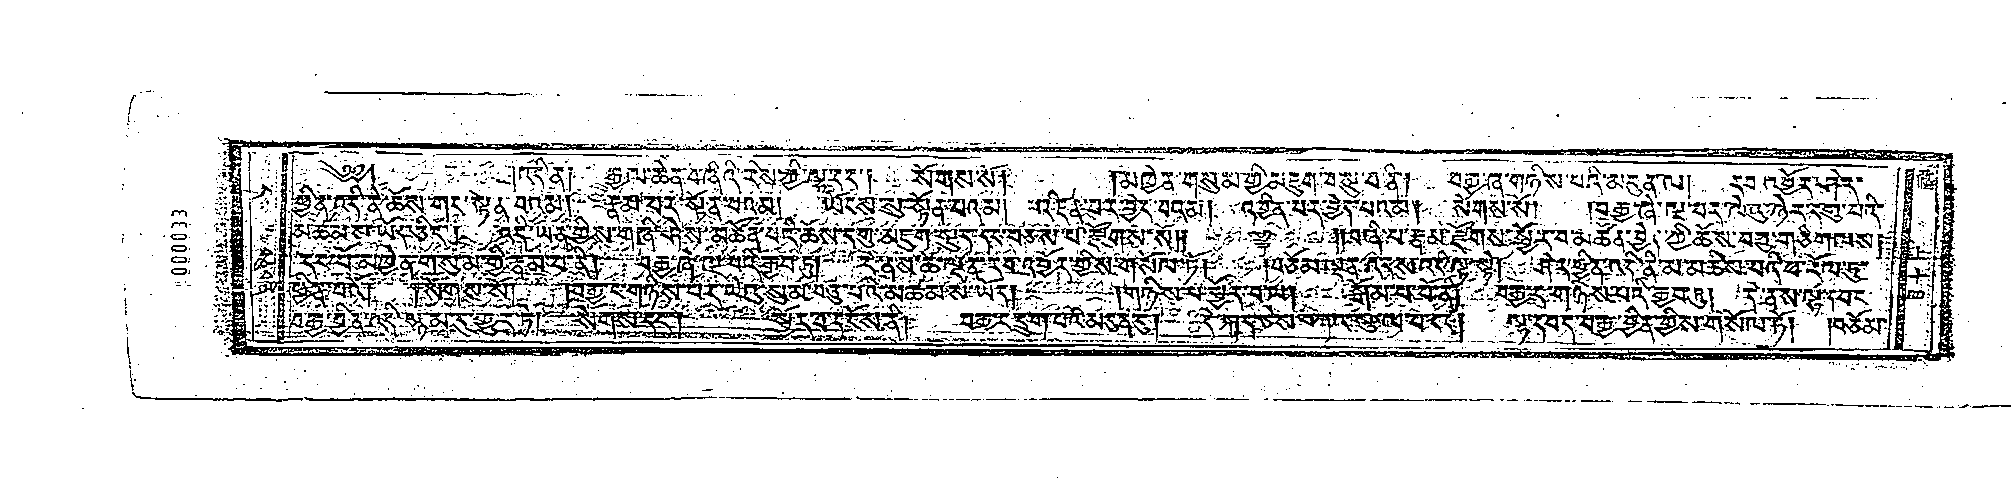༄༅། །འདི་ན། རྒྱལ་ཆེན་བཞིའི་རིས་ཀྱི་ལྷ་དང་། སོགས་སོ། །མཁྱེན་གསུམ་གྱི་མཇུག་བསྡུ་བ་ནི། བརྒྱ་ཞེ་གཉིས་པའི་མདུན་ལ། རབ་འབྱོར་ཤེར་
ཕྱིན་འདི་ནི་ཆོས་གང་སྟོན་བའམ། རྣམ་པར་སྟོན་པའམ། ཡོངས་སུ་སྟོན་པའམ། འཛིན་པར་བྱེད་བའམ། འབྱིན་པར་བྱེད་པའམ། སོགས་སོ། །བརྒྱ་ཞེ་ལྔ་པར་ལེའུ་ཉེར་དགུ་པའི་
མཚམས་ཡོད་ཅིང་། འདི་ཡན་གྱིས་གཞི་ཤེས་མཚོན་པའི་ཆོས་དགུ་མཇུག་སྡུད་དང་བཅས་པ་རྫོགས་སོ།། ༈ །།བཞི་པ་རྣམ་རྫོགས་སྦྱོར་བ་མཚོན་བྱེད་ཀྱི་ཆོས་བཅུ་གཅིག་ལས།
དང་པོ་མཁྱེན་གསུམ་གྱི་རྣམ་པ་ནི། བརྒྱ་ཞེ་ལྔ་པའི་རྒྱབ་ཏུ། དེ་ནས་ཚེ་ལྡན་རབ་འབྱོར་གྱིས་གསོལ་ཏོ། །བཅོམ་ལྡན་འདས་འདི་ལྟ་སྟེ། ཤེར་ཕྱིན་འདི་ནི་མ་མཆིས་པའི་ཕ་རོལ་ཏུ་
ཕྱིན་པའོ། །སོགས་སོ། །བརྒྱ་ང་གཉིས་པར་ལེའུ་སུམ་བཅུ་པའི་མཚམས་ཡོད། །གཉིས་པ་སྦྱོར་བ་ལ། སྒོམ་པ་པོ་ནི། བརྒྱ་ང་གཉིས་པའི་རྒྱབ་ཏུ། དེ་ནས་ལྷ་དབང་
བརྒྱ་བྱིན་འདི་སྙམ་དུ་གྱུར་ཏེ། སོགས་དང་། སྦྱོར་བ་དངོས་ནི། བརྒྱ་ང་དྲུག་པའི་མདུན་དུ། དེ་སྐད་ཅེས་བཀའ་སྩལ་བ་དང་། ལྷ་དབང་བརྒྱ་བྱིན་གྱིས་གསོལ་ཏོ། །བཅོམ་